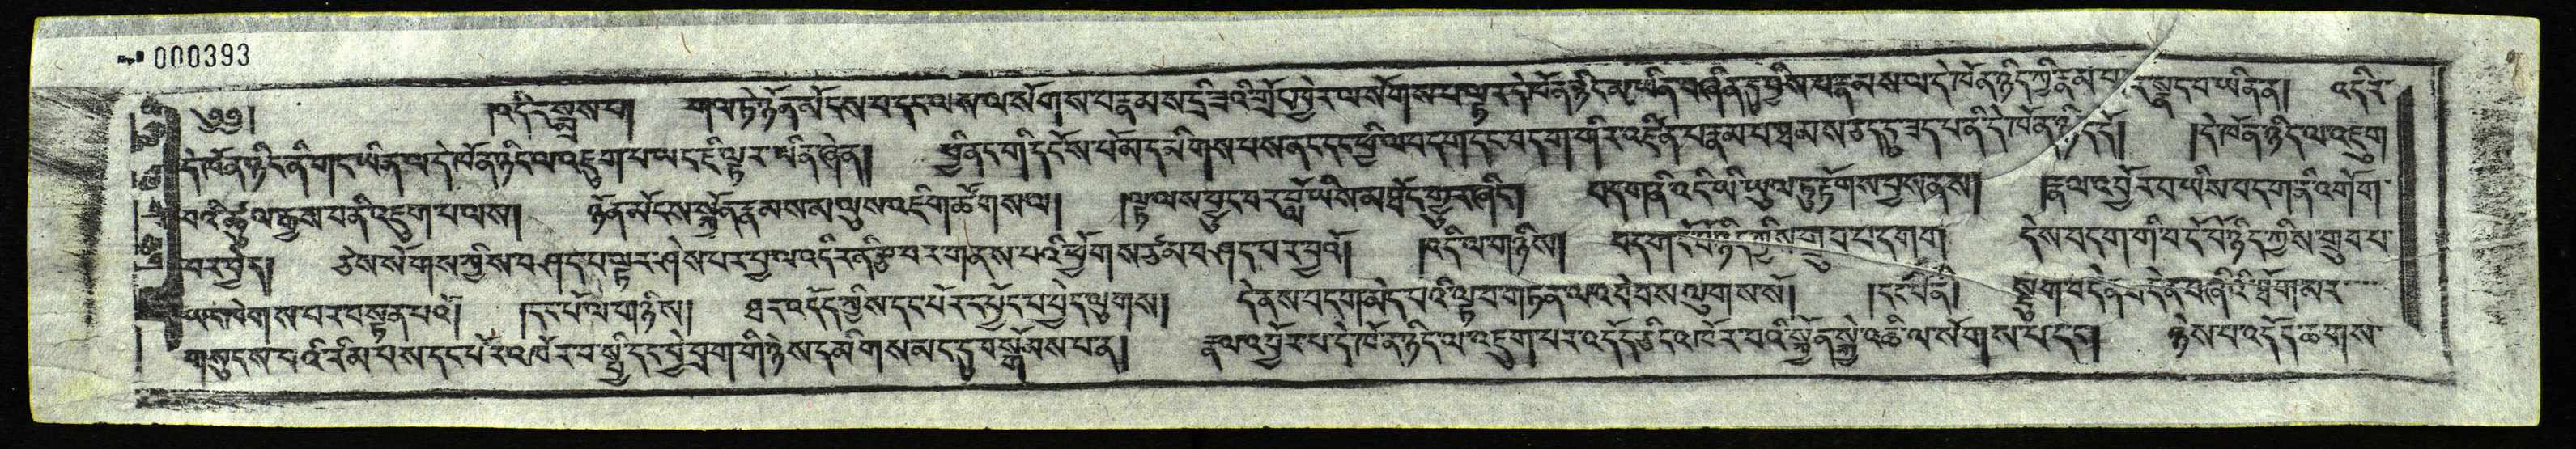༄༅། །འདིར་སྨྲས་པ། གལ་ཏེ་ཉོན་མོངས་པ་དང་ལས་ལ་སོགས་པ་རྣམས་དྲི་ཟའི་གྲོང་ཁྱེར་ལ་སོགས་པ་ལྟར་དེ་ཁོ་ན་ཉིད་མ་ཡིན་བཞིན་དུ་བྱིས་པ་རྣམས་ལ་དེ་ཁོ་ན་ཉིད་ཀྱི་རྣམ་པར་སྣང་བ་ཡིན་ན། འདིར་
དེ་ཁོ་ན་ཉིད་ནི་གང་ཡིན་ལ་དེ་ཁོ་ན་ཉིད་ལ་འཇུག་པ་ཡང་ཇི་ལྟར་ཡིན་ཞེ་ན། ཕྱི་ནང་གི་དངོས་པོ་མ་དམིགས་པས་ནང་དང་ཕྱི་ལ་བདག་དང་བདག་གིར་འཛིན་པ་རྣམ་པ་ཐམས་ཅད་དུ་ཟད་པ་ནི་དེ་ཁོ་ན་ཉིད་དོ། །དེ་ཁོ་ན་ཉིད་ལ་འཇུག་
བའི་ཚུལ་རྒྱས་བ་ནི་འཇུག་པ་ལས། ཉོན་མོངས་སྐྱོན་རྣམས་མ་ལུས་འཇིག་ཚོགས་ལ། །ལྟ་ལས་བྱུང་བར་བློ་ཡིས་མཐོང་གྱུར་ཞིང་། བདག་ནི་འདི་ཡི་ཡུལ་ཏུ་རྟོགས་བྱས་ནས། །རྣལ་འབྱོར་པ་ཡིས་བདག་ནི་འགོག་
བར་བྱེད། ཅེས་སོགས་ཀྱིས་བཤད་པ་ལྟར་ཤེས་པར་བྱ་ལ་འདིར་ནི་རྩ་བར་གནས་པའི་ཕྱོགས་ཙམ་བཤད་པར་བྱའོ། །འདི་ལ་གཉིས། བདག་ངོ་བོ་ཉིད་ཀྱིས་གྲུབ་པ་དགག་དེས་བདག་གི་བ་ངོ་བོ་ཉིད་ཀྱིས་གྲུབ་པ་
ཡང་ཁེགས་བར་བསྟན་པའོ། །དང་པོ་ལ་གཉིས། ཐར་འདོད་ཀྱིས་དང་པོར་དཔྱོད་པ་བྱེད་ལུགས། དེ་ནས་བདག་མེད་པའི་ལྟ་བ་གཏན་ལ་འབེབས་ལུགས་སོ། །དང་པོ་ནི། སྡུག་བདེན་བདེན་བཞིའི་ཐོག་མར་
གསུངས་བའི་རིམ་པས་དང་པོར་འཁོར་བ་སྤྱི་དང་བྱེ་བྲག་གཉིས་དམིགས་མང་དུ་བསྒོམས་པ་ན། རྣལ་འབྱོར་པ་དེ་ཁོ་ན་ཉིད་ལ་འཇུག་པར་འདོད་ཅིང་འཁོར་བའི་སྐྱོན་སྐྱེ་འཆི་ལ་སོགས་པ་དང་། ཉེས་པ་འདོད་ཆགས་